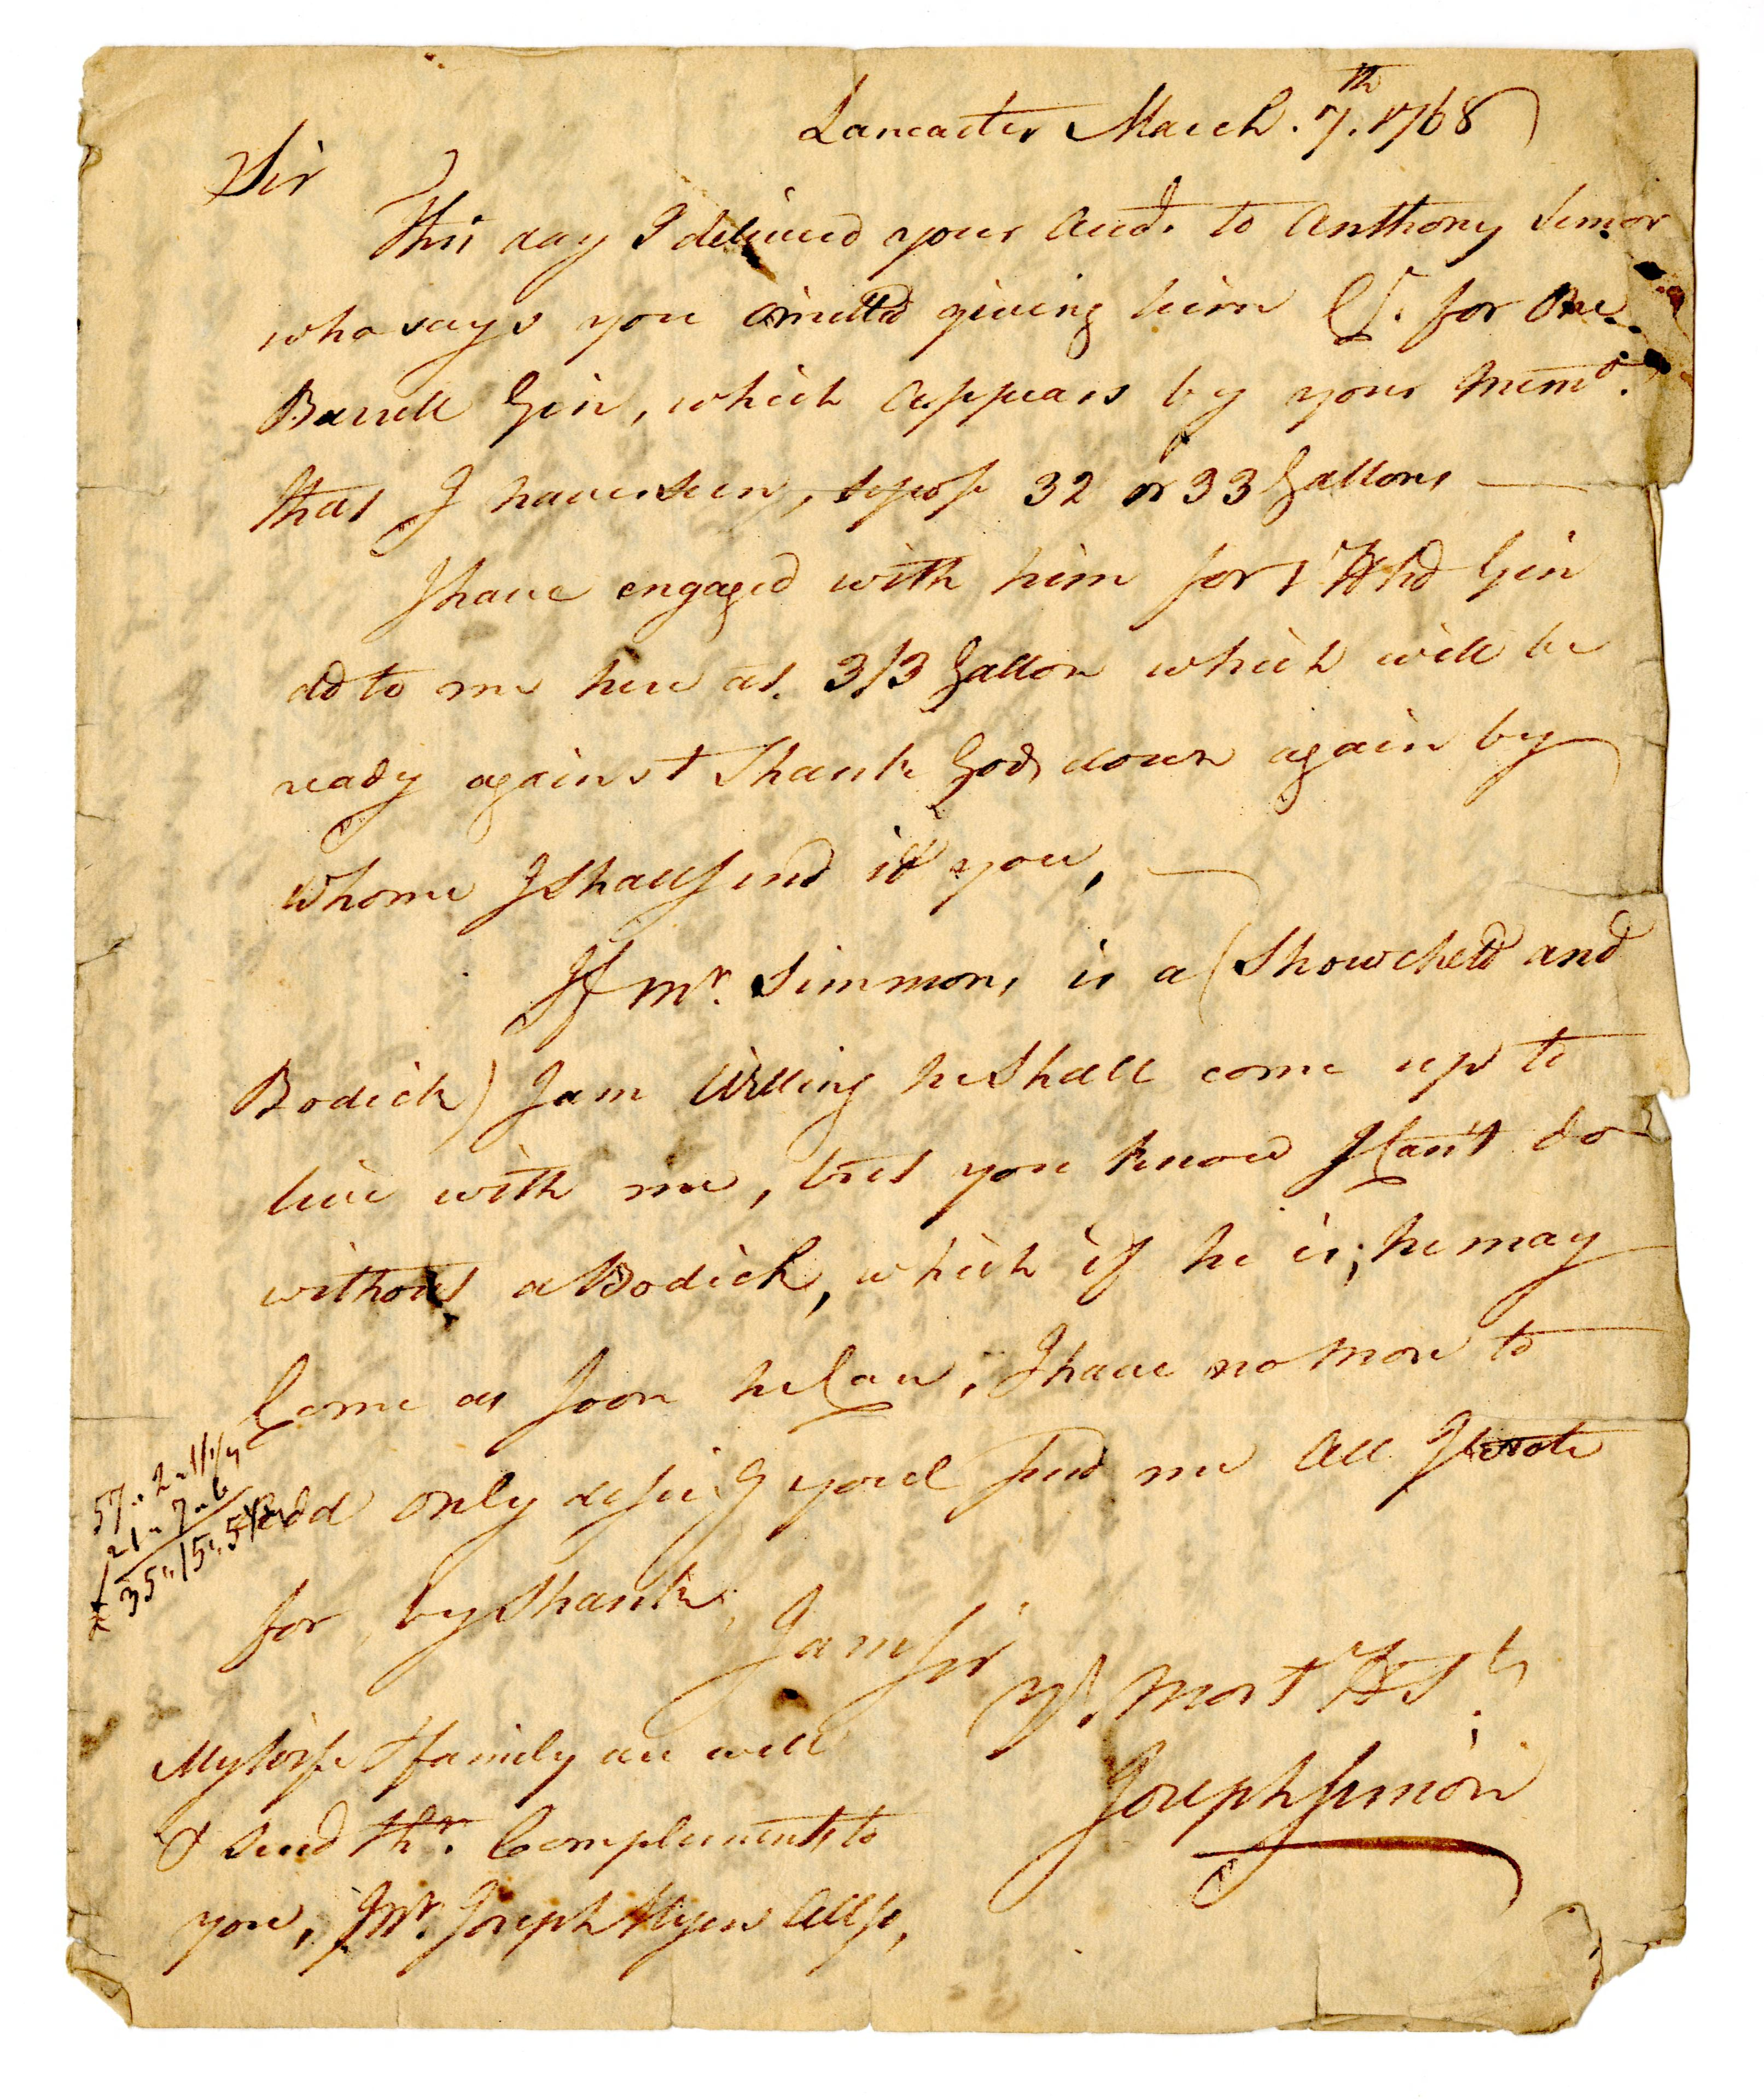Sir
this day I delievered your acco^t. to Anthony Simon
who says you omitt'd giving him I for one
Barrel Gin, which appears by your Ment^g
that I have seen, dispose 32 or 33 Gallons-
I have engaged with him for 1 Hhd Gin
dd to me here at 3s3 gallon which will be
ready against Thank God down again by
whome I shall find if you,
If M^r Simons is a (Showcheld and
Bodick) I am willing he shall come up to
live with me, best you know I can't do
without a Bodick, which if he is, he may
Come as soon he Can, I have no more to
add only desir^g youl send me All I wrote
for by Shank
Lancaster March. 7^th. 1768
57..2.11 1-/4
21..7..6
35..15..5 1/2
My wife & family are well
& send th^r. Complements to
you, M^r Joseph Myers allso
I am sir
Y^r most H s^t.
Joseph Simon